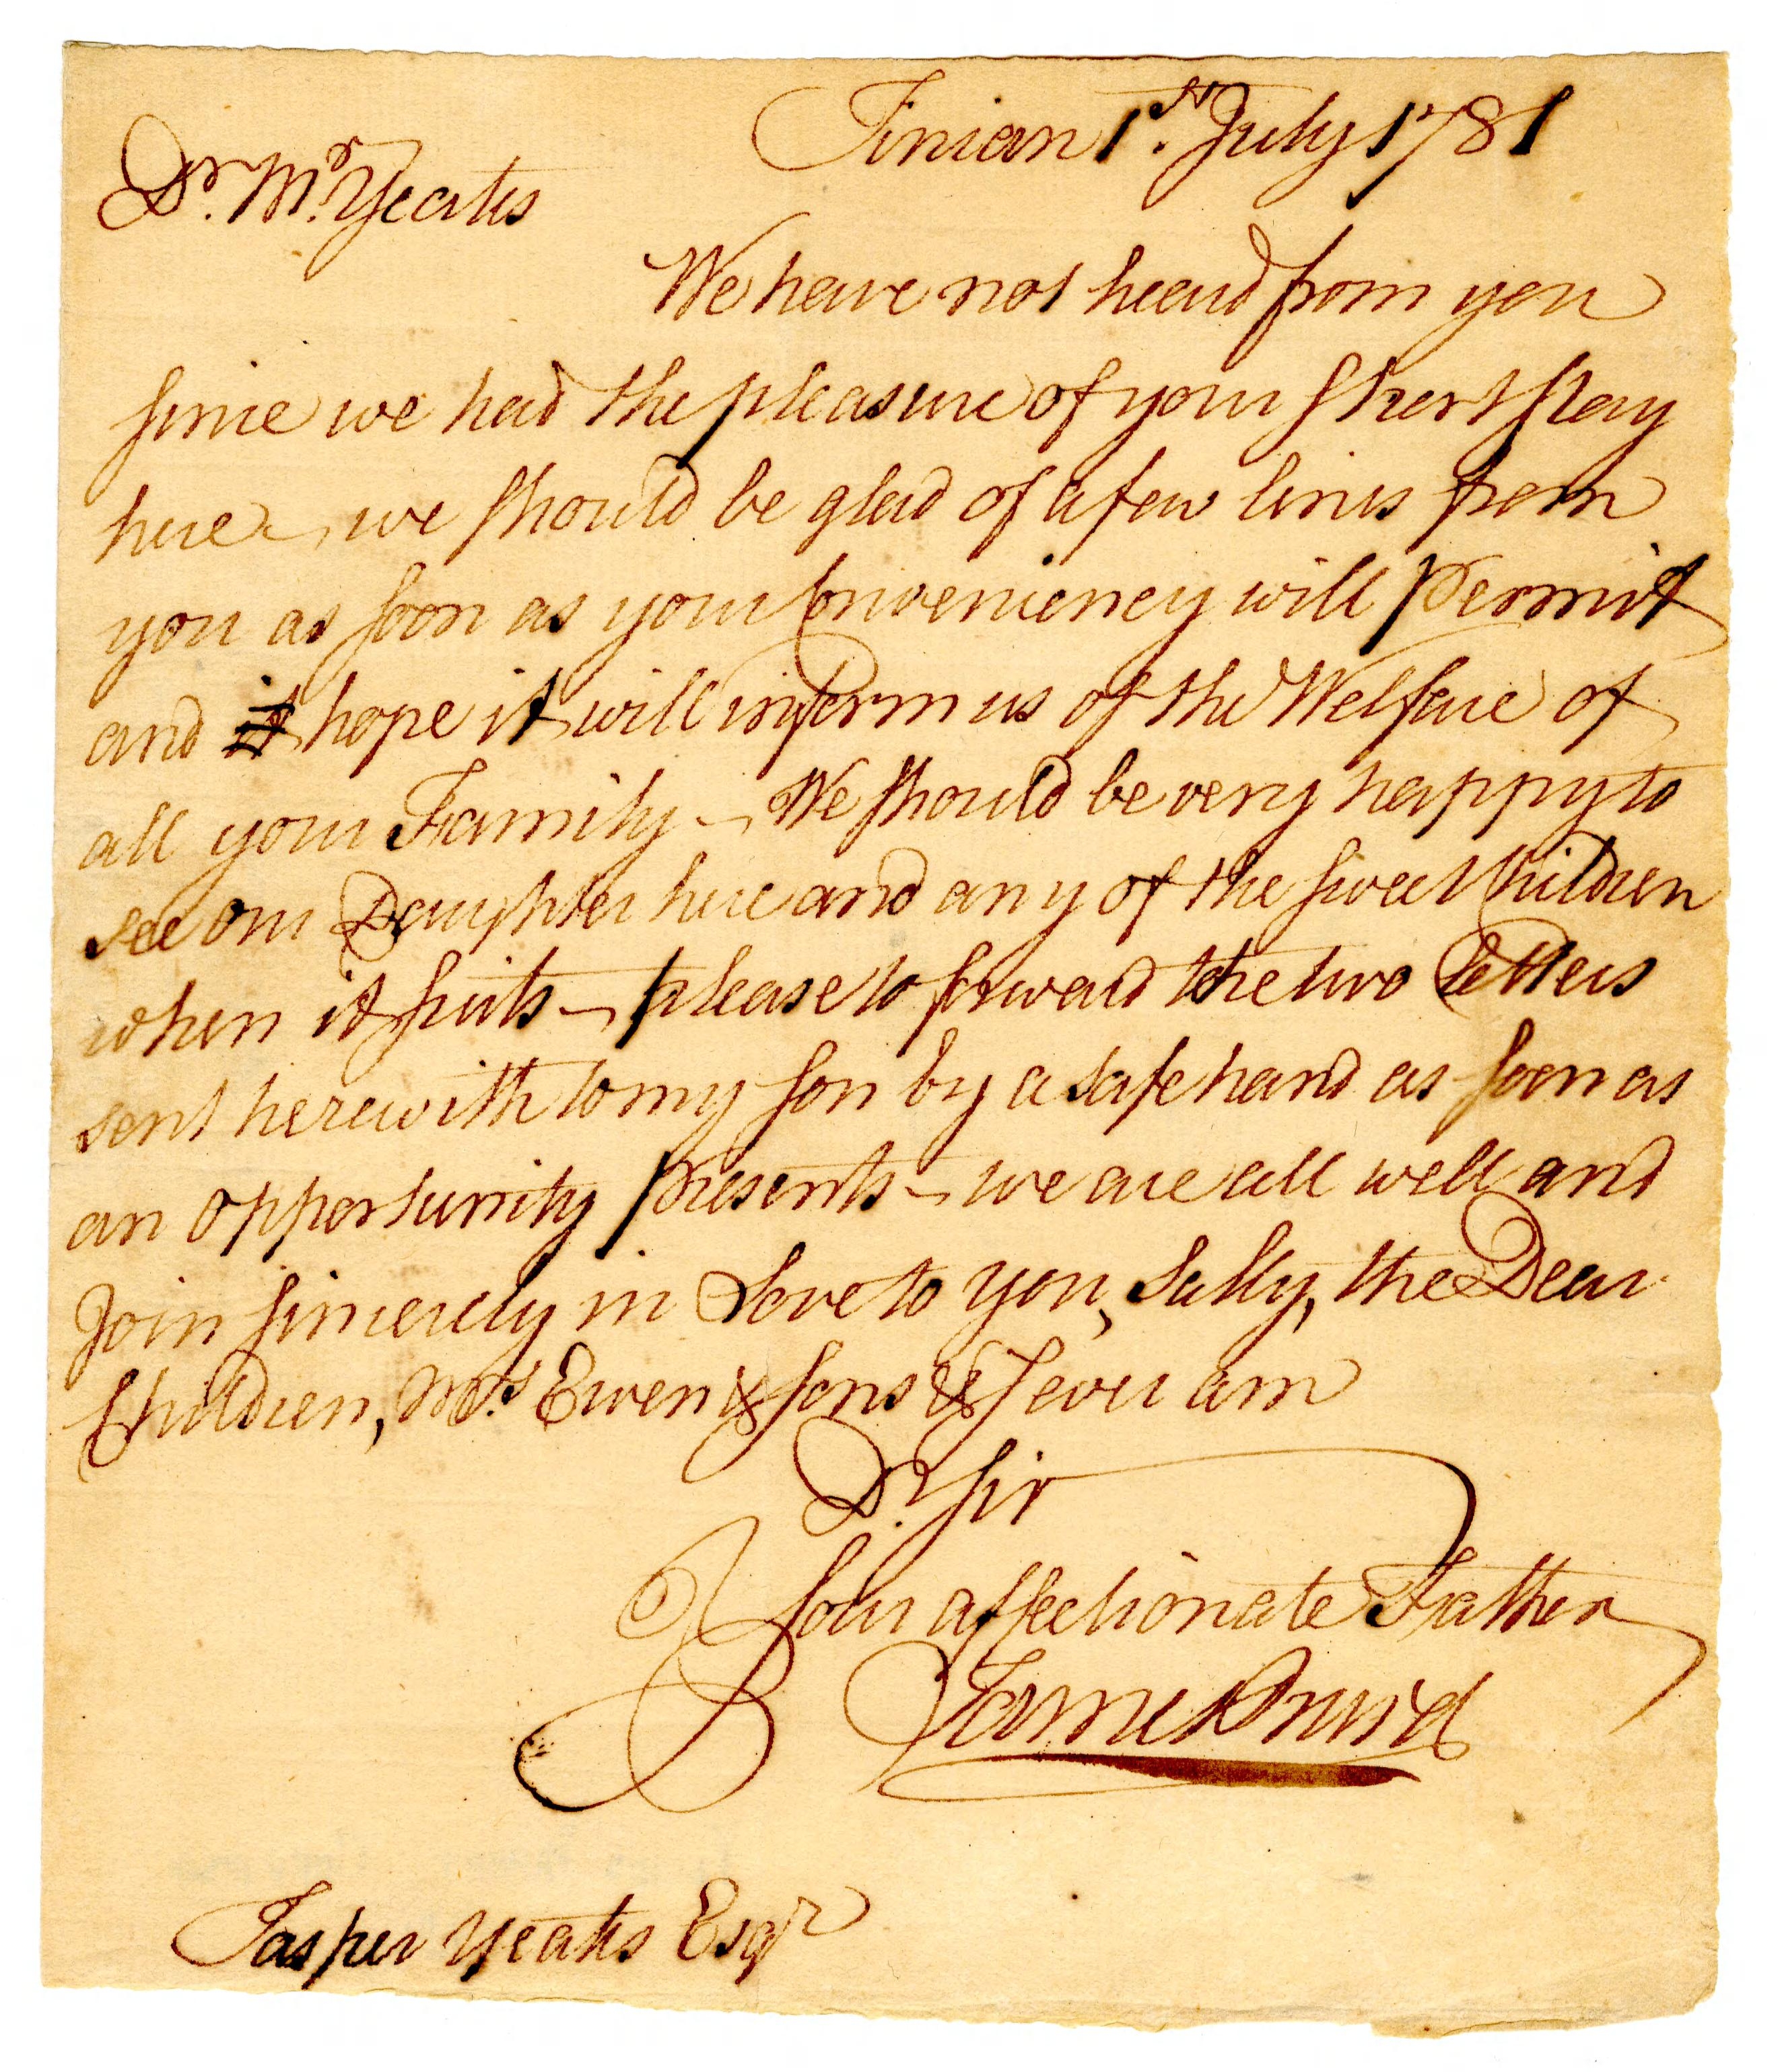Tinian 1^st July 1781
D^r M^r. Yeates
We have not heard from you
since we had the pleasure of your short glory
here. we should be glad of a few lines from
you as soon as your Conveniency will Permit
and [_] hope it will inform us of the Welfare of
all your Family. We should be very happy to
see our Daughter here and any of the five children
when it suits. please to forward the two Letters
sent herewith to my son by a safe hand as soon as
an opportunity presents- We are all well and
join sincerely in Love to you, Sally, the Dear
Children, M^rs. Ewen & Son & I ever am
D^r Sir
Your affectionate Father
James Burd
Jasper Yeates Esq^r.